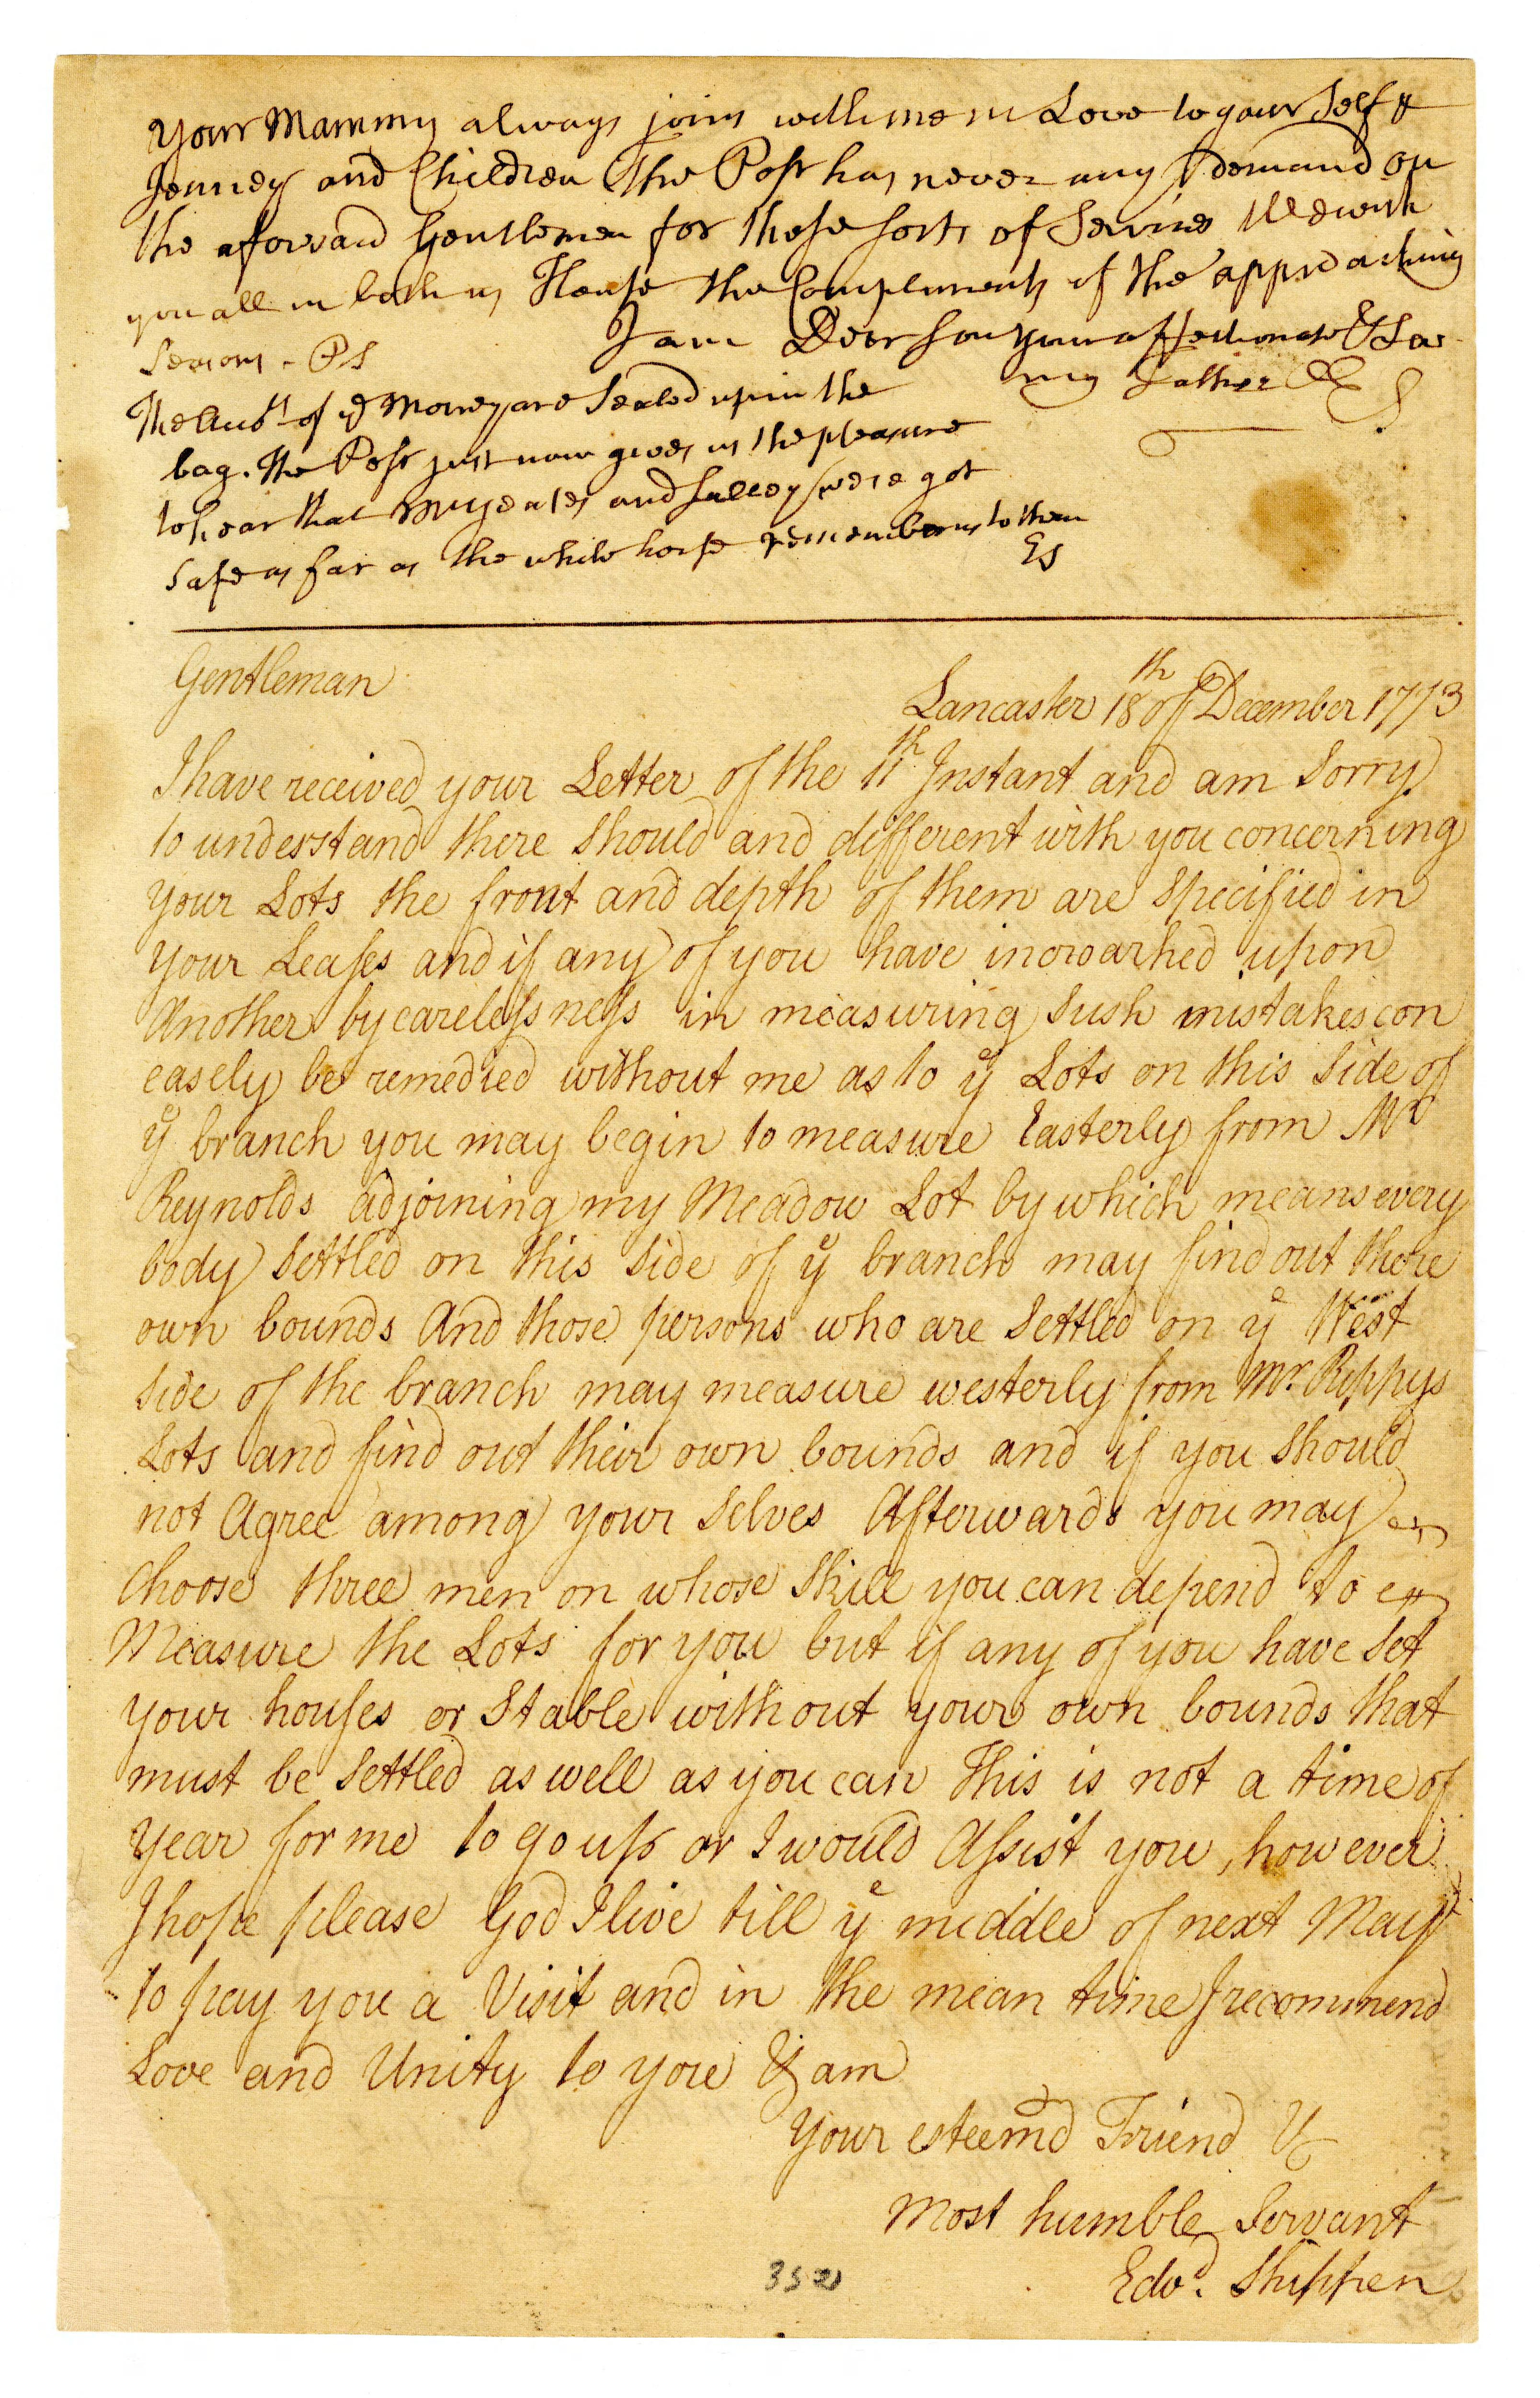Your Mammy always joins with me in Love to your self &
Jonney and Children the Pop has never any demand of
the aforesaid Gentlemen for these sorts of services We wish
you all in both my House the Complements of the approaching
Season- PS
I am Dear son Your Affectionate & Lov-
ving Father
ES
The Acco^ts of y^e Money and Sealed upin the
bag. He Poss just now gives us the pleasure
to hear that Mr Yeates and Sulley were got
Safe as far as the white horse remember me to then
ES
Gentleman
Lancaster 18^th of December 1773
I have received your Letter of the 11^th Instant and am Sorry
to understand there should and different with you concerning
your Lots the front and depth of them are specified in
your Leases and if any of you have incroached upon
Another by carelessnesss in measuring, sush mistakes con
easely be remedied without me as to y^e Lots on this side of
y^e branch you may begin to measure Easterly from M^r
Reynolds adjoining my Meadow Lot by which means every
body settled on this side of y^e branch may find out there
own bounds And those persons who are Settled on y^e West
side of the branch may measure westerly from M^r. Ruppys
Lots and find our their own bounds and if you should
not Agree among your selves Afterwards you may,
choose three men on whose skill you can depend to
Measure the Lots for you but if any of you have set
your houses or Stable without your own bounds that
must be settled as well as you can This is not a time of
Year for me to guess or I would Assist you, however
I hope please God I live till y^e middle of next May
to pay you a Visit and in the mean time I recommend
Love and Unity to you & am
Your esteemd Friend &
Most humble servant
Edw^d. Shippen